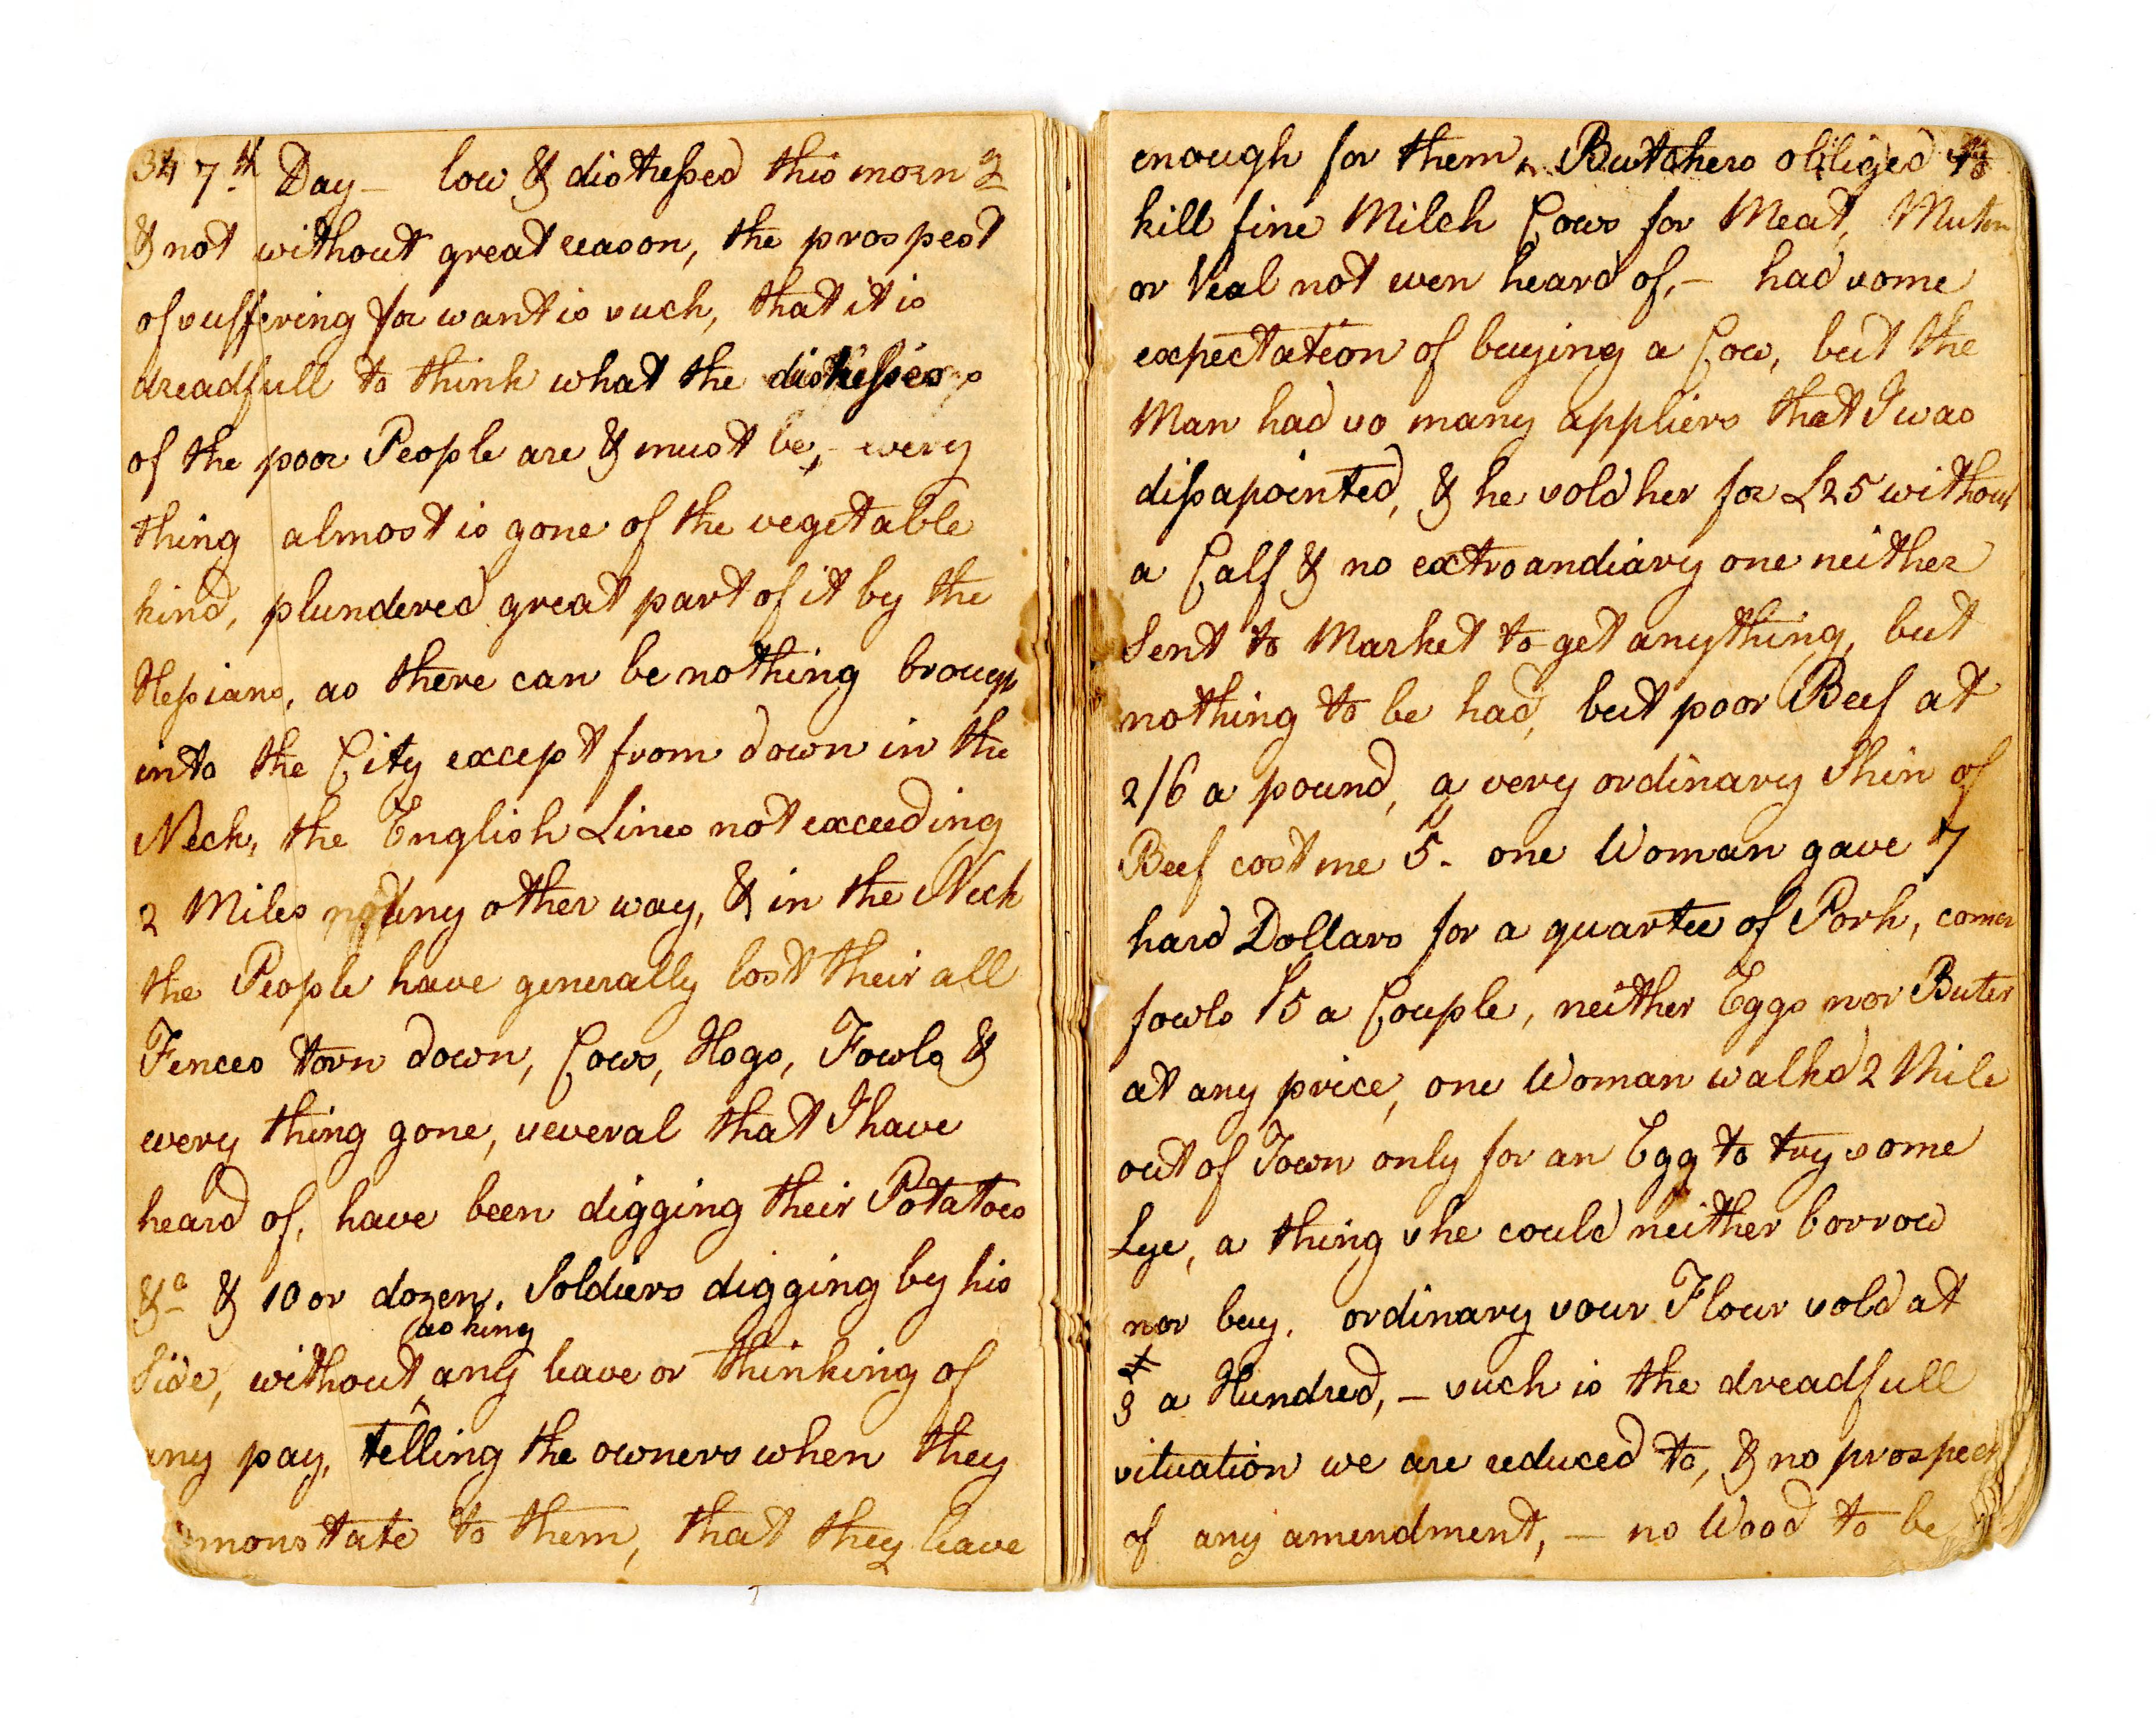34
7^th Day- low & distressed this morn^g
& not without great reason, the prospest
of suffering for want is such, that it is
dreadfull to think what the distresses
of the poor People are & must be, every
thing almost is gone of the vegetable
kind, plundered great part of it by the
Hessians, as there can be nothing brougs
into the City except from down in the
Neck, the English Lines not exceeding
2 Miles noting other way, & in the Neck
the People have generally lost their all
Fences torn down, Cows, Hogs, Fowls &
every thing gone, several that I have
heard of, have been digging their Potatoes
&^c & 10 or dozen, Soldiers digging by his
asking
Side, without ^ any leave or thinking of
[a]ny pay, telling the owners when they
monstate to them, that they leave
enough for them, Butchers obliged to
kill fine Milch Cows for Meat, Muton
or Veal not even heard of,- had some
expectation of buying a Cow, but the
Man had so many appliers that I was
dissapointed, & he sold her for £25 without
a Calf & no extroandiary one neither
Sent to Market to get anything, but
nothing to be had but poor Beef at
2s6 a pound, a very ordinary Shin of
Beef cost me 5. one Woman gave 7
hard Dollars for a quarter of Pork, comon
fowls 15 a Couple, neither Eggs nor Buter
at any price, one Woman walkd 2 Mile
out of Town only for an Egg to try some
Lye, a thing she could neither borrow
nor buy, ordinary sour Flour sold at
3^£ a Hundred,- such is the dreadfull
situation we are reduced to, & no prospect
of any amendment,- no Wood to be